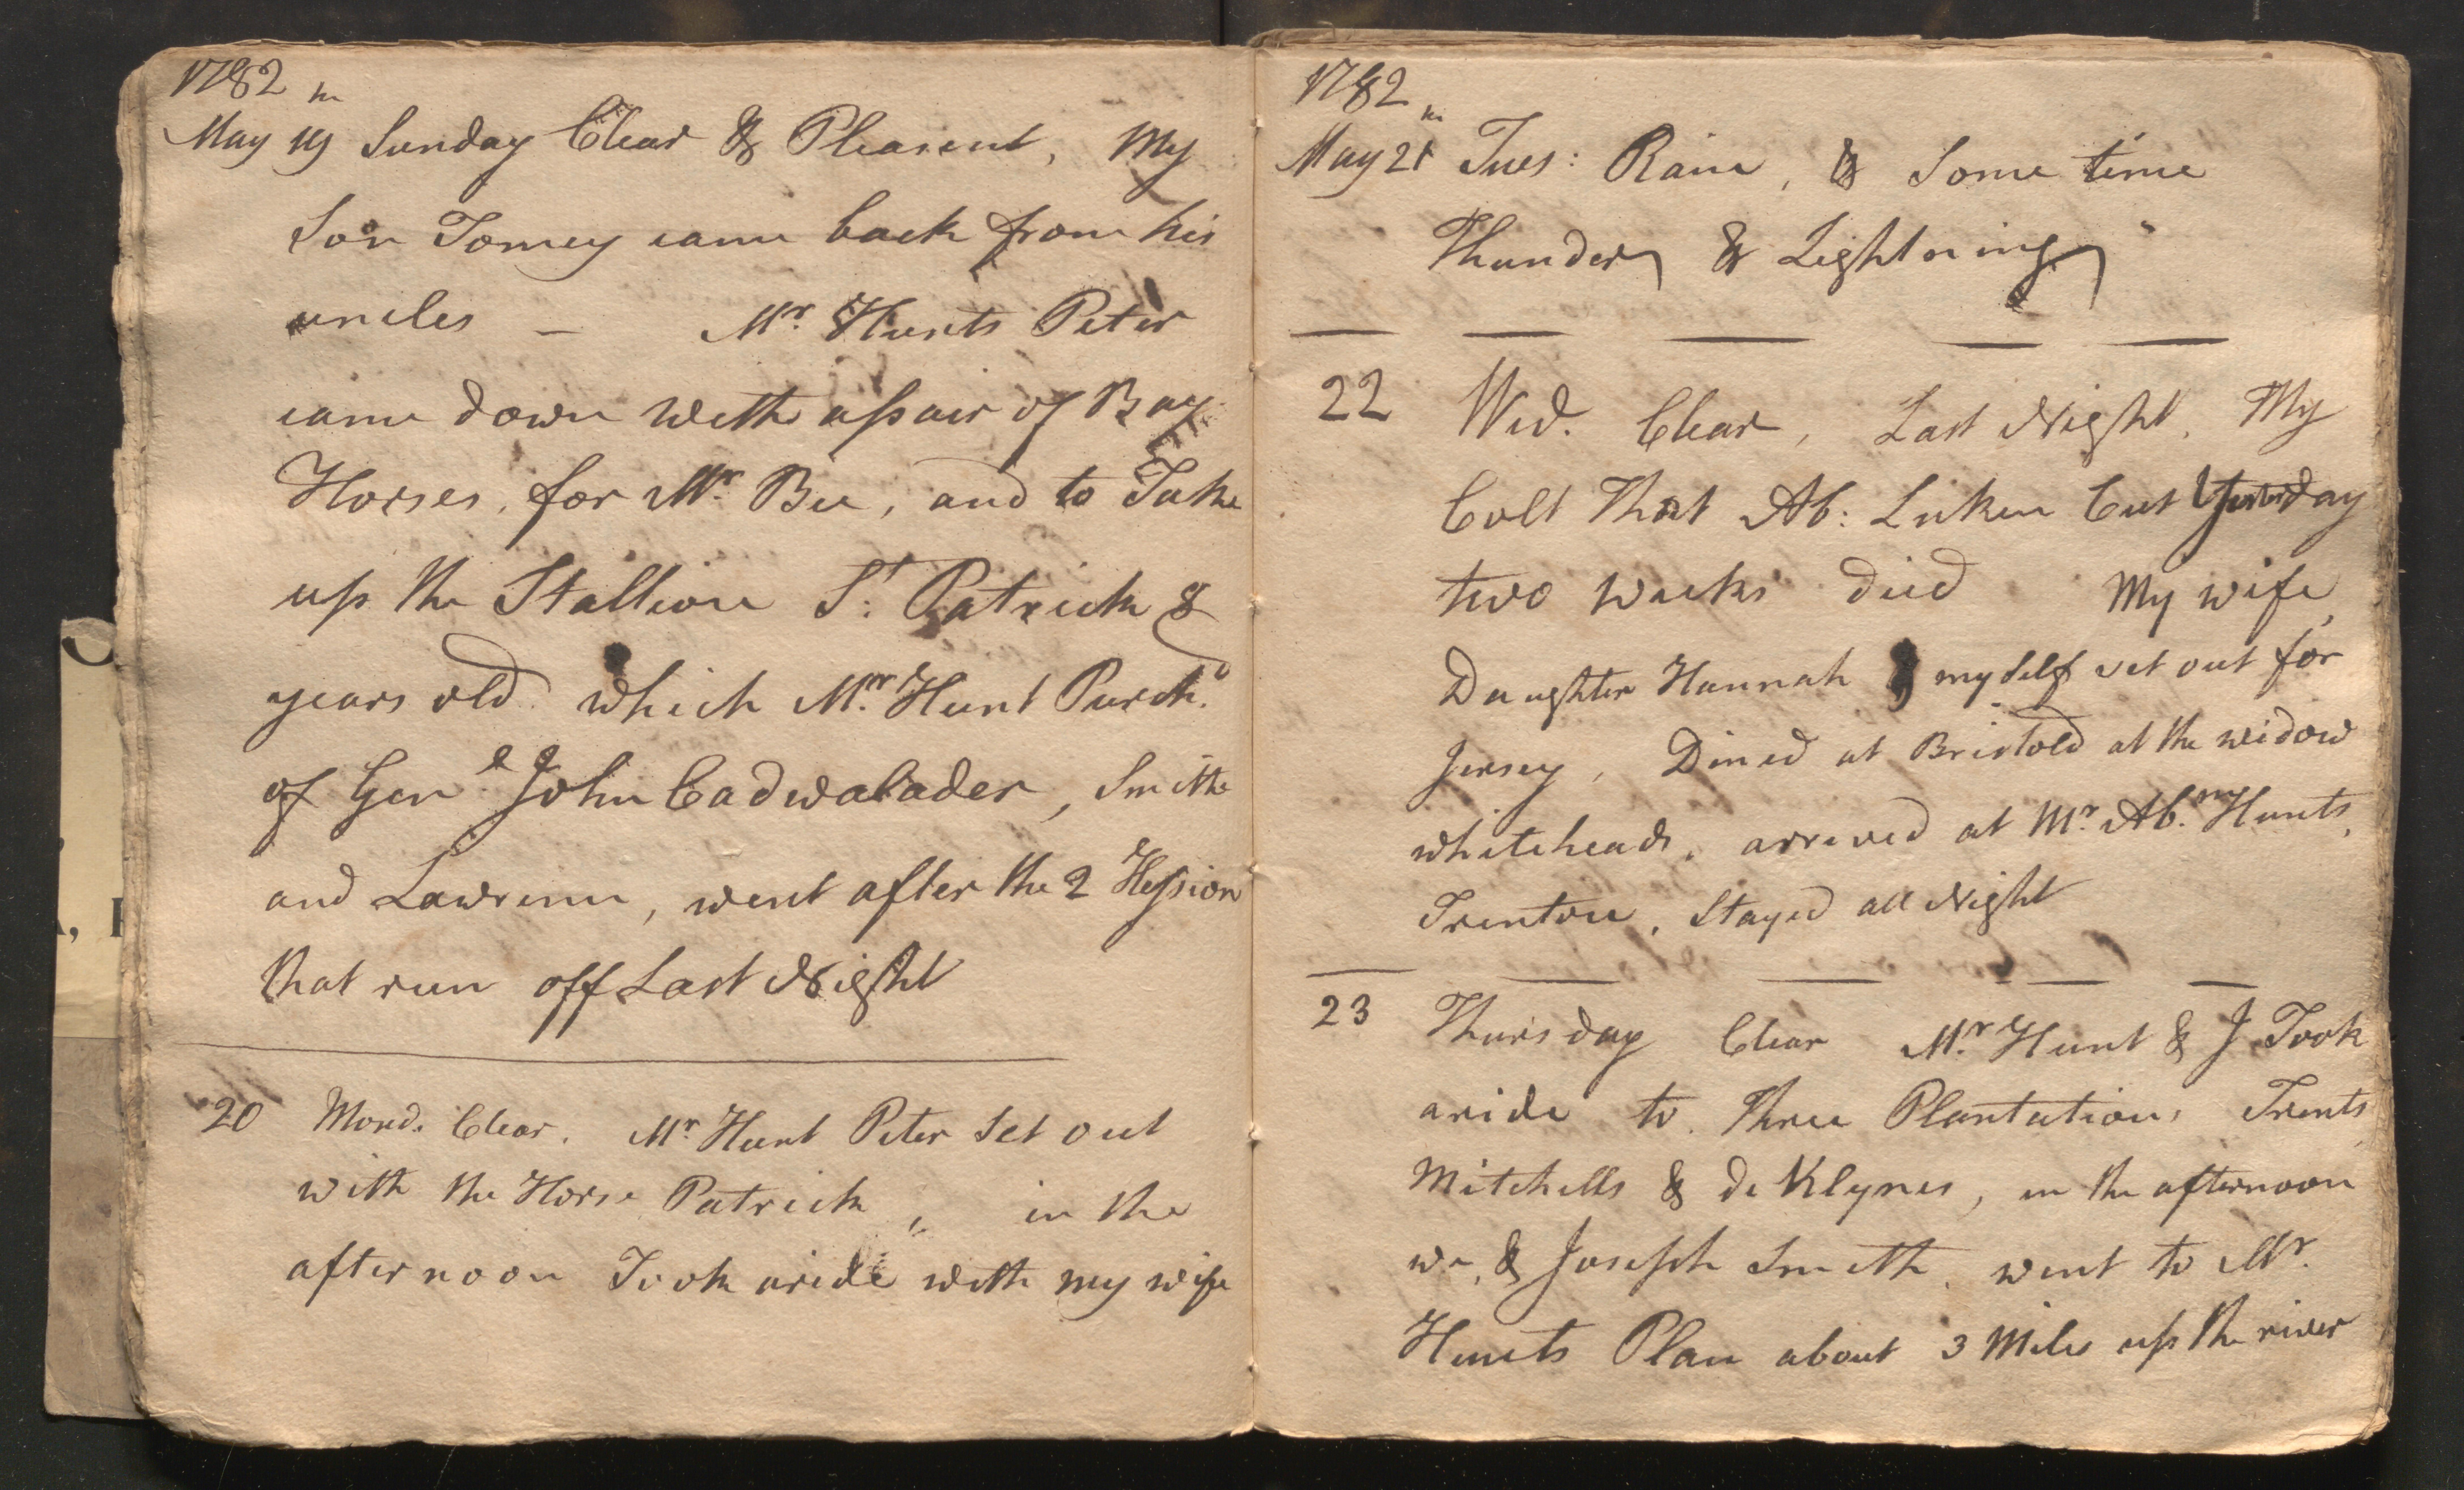1782
May 19^th Sunday Clear & Pleasent, My
Son Tomey came back from his
uncles
M^r. Hunts Peter
came down with a pair of Bay
Horses. for M^r. Bee, and to Take
up the Staltion S^t. Patrick 8
years old. which M^r. Hunt Purch^d.
of Gen^l. John Cadwalader, Smith
and Lawrence, went after the 2 Hession
that run off Last Night
20 Mond. Clear, M^r. Hunt Peter set out
with the Horse Patrick, in the
afternoon Took a ride with my wife
1782
May 21^th Tues: Rain, & some time
Thunder & Lightning
22 Wed. Clear, Last Night My
Colt That Ab: Luken Cut yesterday
two weeks died My wife
Daughter Hannah & myself set out for
Jersey, Dined at Bristold at the widow
whiteheads, arrived at M^r. Ab^m. Hunts
Trenton, Stayed all Night
23 Thursday Clear M^r. Hunt & I Took
a ride to Three Plantations Trents
Mitchells & diKlynes, in the afternoon
we & Joseph Smith went to M^r.
Hunts Place about 3 Mile up the river